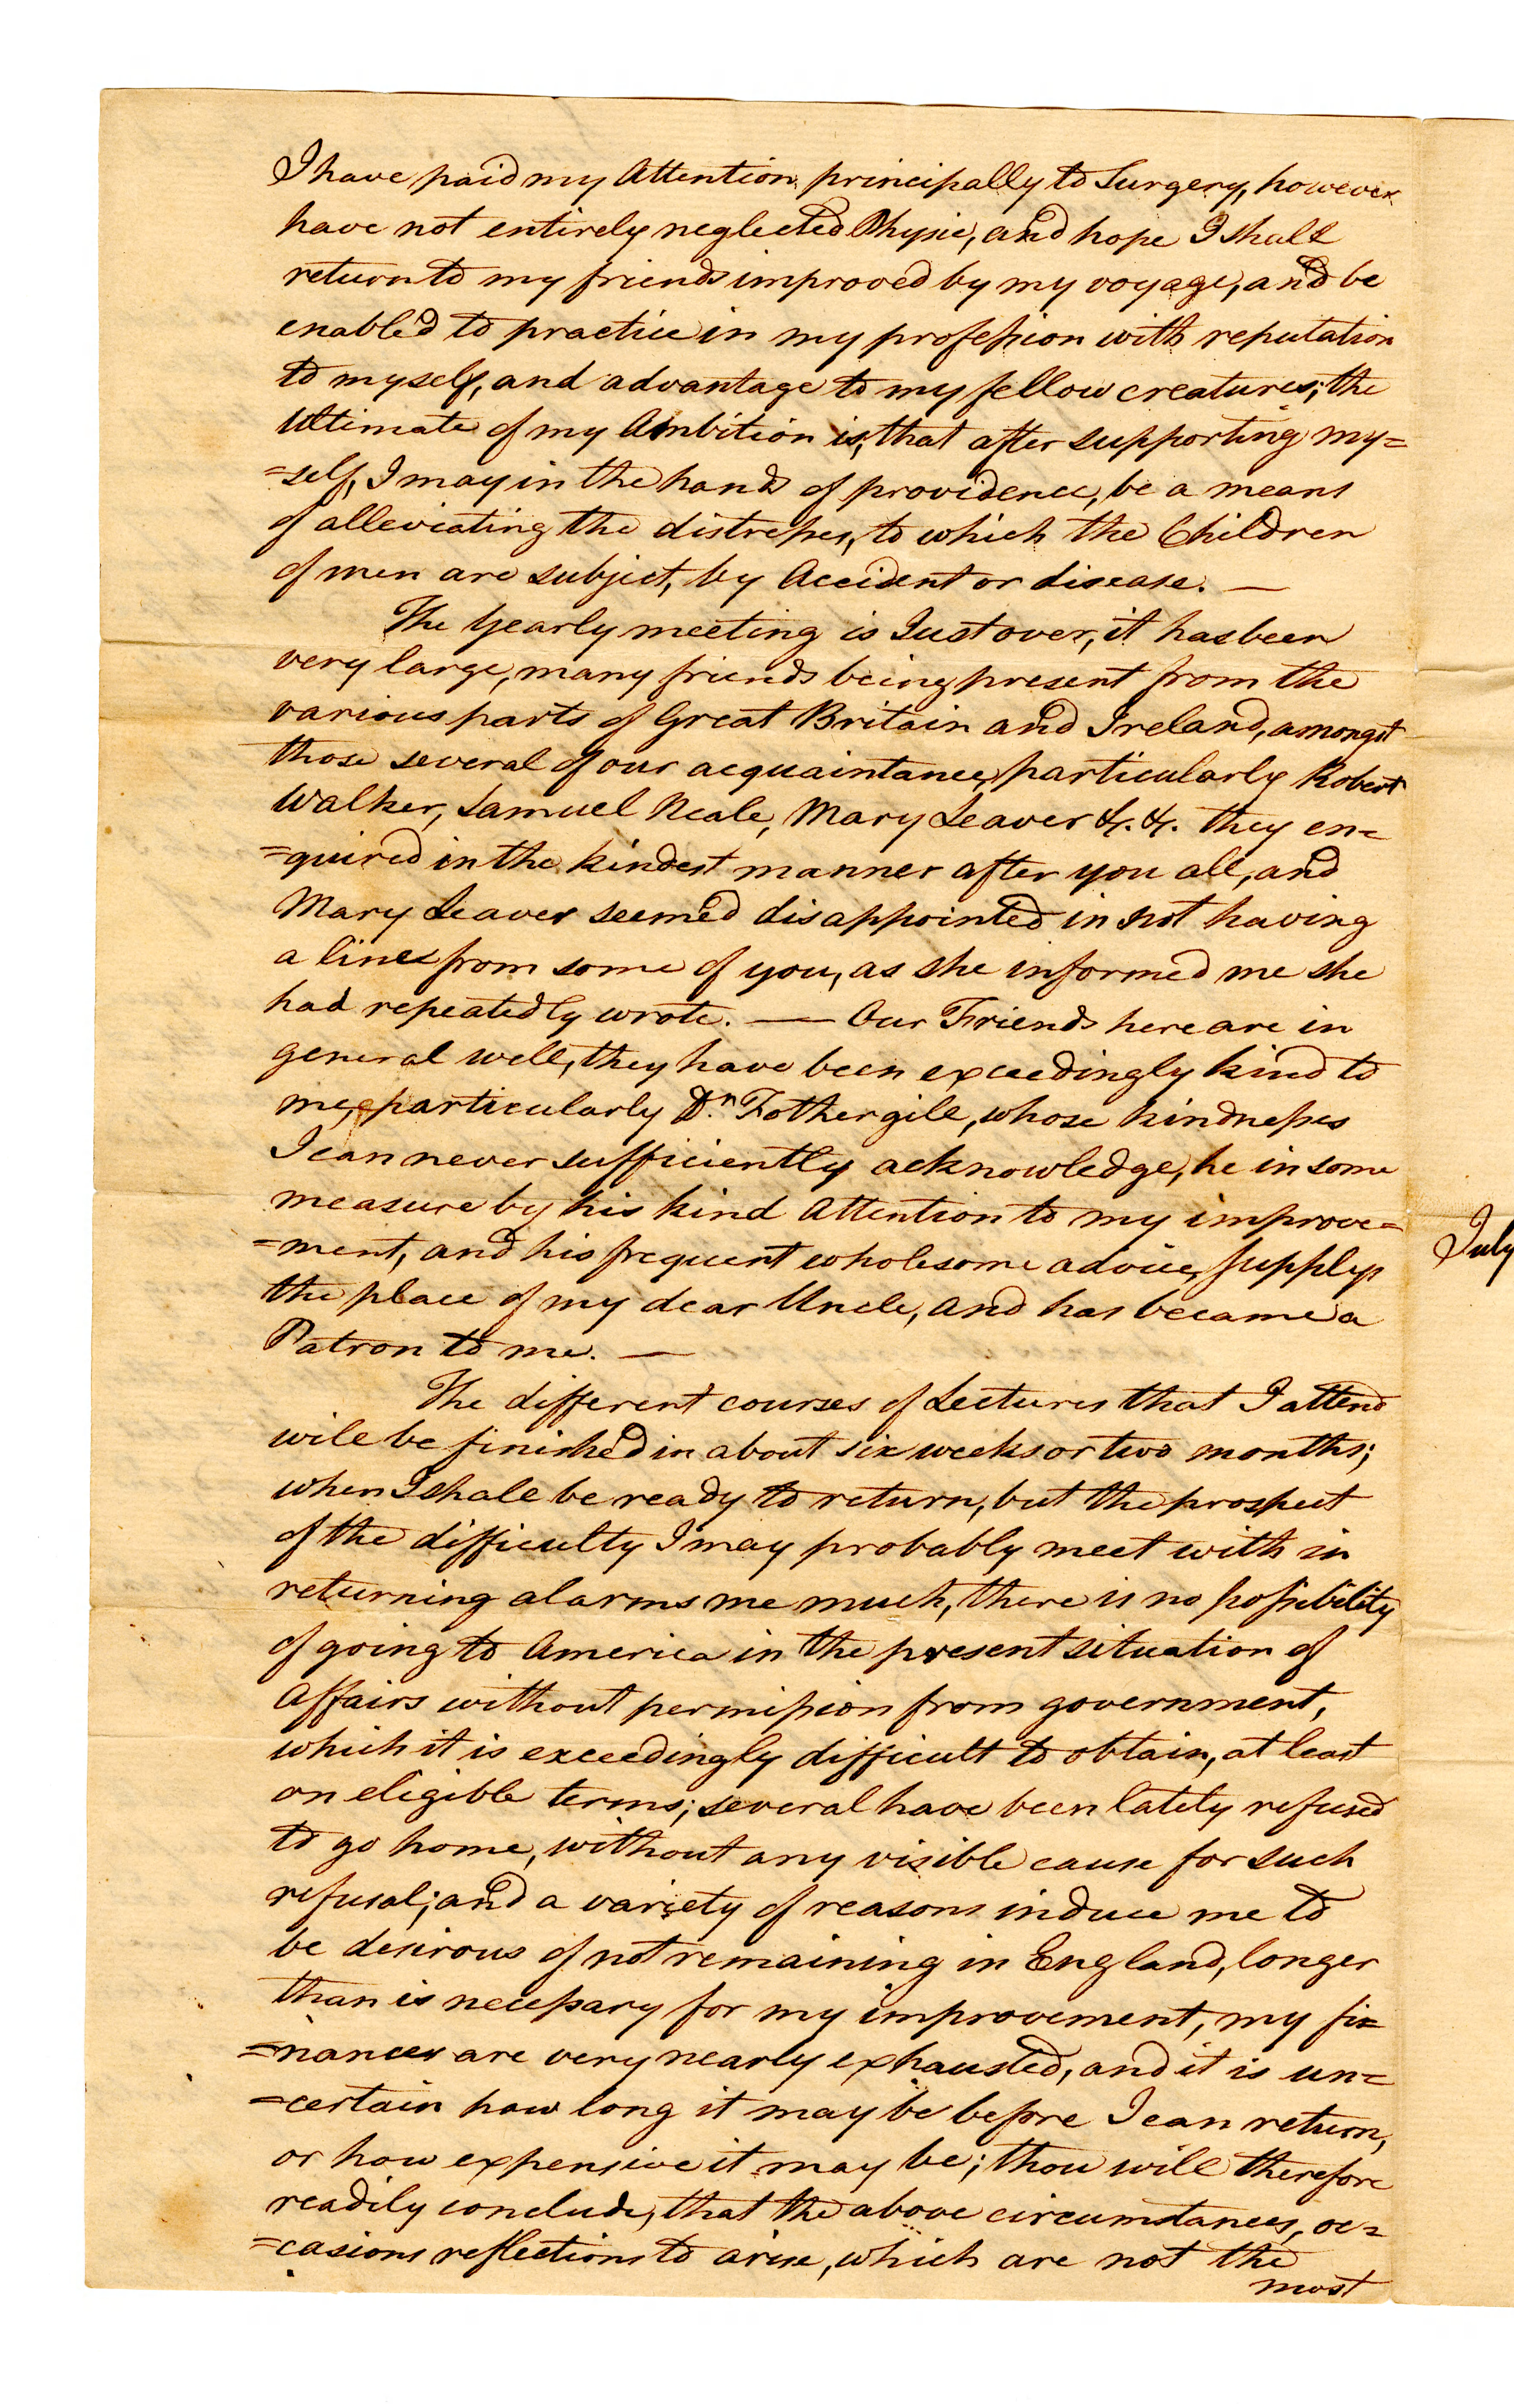I have paid my Attention principally to Surgery, however
have not entirely neglected Physic, and hope I shall
return to my friends improved by my voyage, and be
enabled to practice in my profession with reputation
to myself, and advantage to my fellow creatures; the
ultimate of my Ambition is, that after supporting my-
-self, I may in the hands of providence, be a means
of alleviating the distress, to which the Children
of men are subject, by Accident or disease.-
The yearly meeting is Just over, it has been
very large, many friends being present from the
various parts of Great Britain and Ireland, amongst
those several of our acquaintance, particularly Robert
Walker, Samuel Neale, Mary Leaver &c. &c. they en-
-quired in the kindest manner after you all, and
Mary Leaver seemed disappointed in not having
a line from some of you, as she informed me she
had repeatedly wrote.- Our Friends here are in
general well, they have been exceedingly kind to
me, particularly D^r. Fothergill, whose kindness
I can never sufficiently acknowledge, he in some
measure by his kind Attention to my improve-
-ment, and his frequent wholesome advice, supply
the place of my dear Uncle, and has become a
Patron to me.-
The different courses of Lectures that I attend
will be finished in about six weeks or two months;
when I shall be ready to return, but the prospect
of the difficulty I may probably meet with in
returning alarms me much, there is no possibility
of going to America in the present situation of
Affairs without permission from government,
which it is exceedingly difficult to obtain, at least
on eligible terms; several have been lately refused
to go home, without any visible cause for such
refusal; and a variety of reasons induce me to
be desirous of not remaining in England, longer
than is necessary for my improvement, my fi-
-nances are very nearly exhausted, and it is un-
-certain how long it may be before I can return,
or how expensive it may be; thou will therefore
readily conclude, that the above circumstances, oc-
-csions reflections to arise, which are not the
most